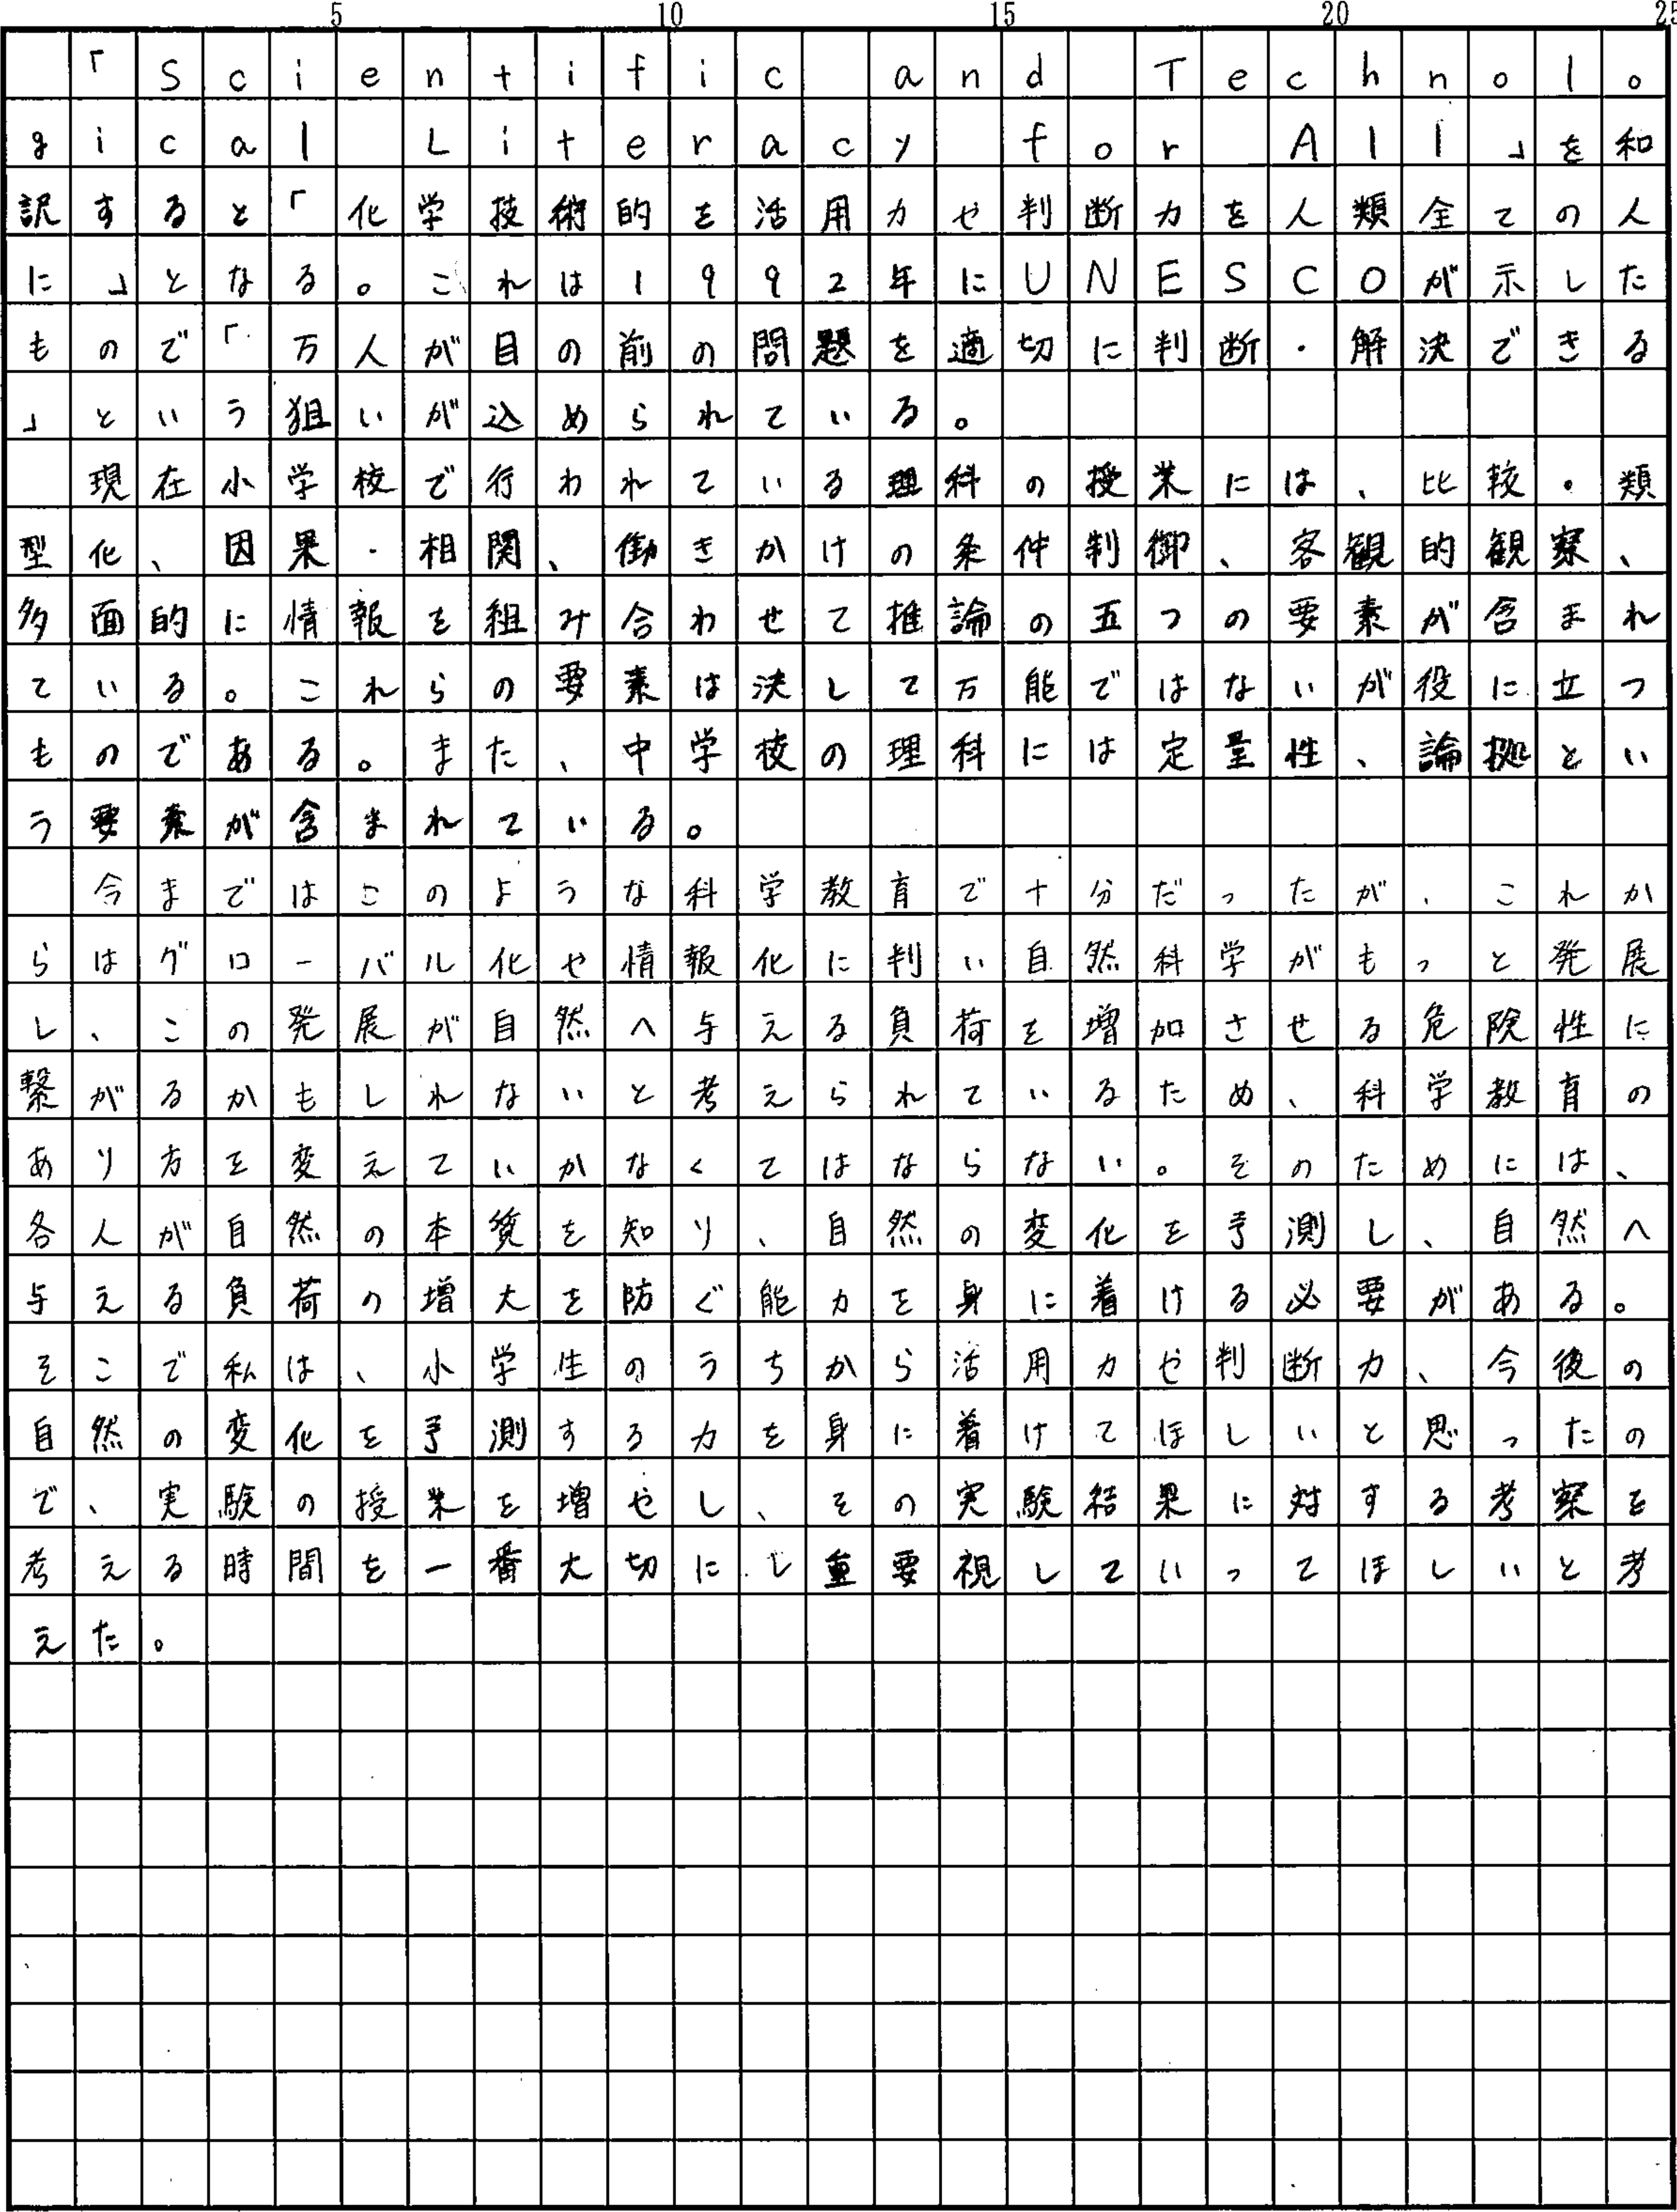 　「Ｓｃｉｅｎｔｉｆｉｃ　ａｎｄ　Ｔｅｃｈｎｏｌｏｇｉｃａｌ　Ｌｉｔｅｒａｃｙ　ｆｏｒ　Ａｌｌ」を和訳すると「化学技術的を活用力や判断力を人類全ての人に」となる。これは１９９２年にＵＮＥＳＣＯが示したもので「万人が目の前の問題を適切に判断・解決できる」という狙いが込められている。
　現在小学校で行われている理科の授業には、比較・類型化、因果・相関、働きかけの条件制御、客観的観察、多面的に情報を組み合わせて推論の五つの要素が含まれている。これらの要素は決して万能ではないが役に立つものである。また、中学校の理科には定量性、論拠という要素が含まれている。
　今まではこのような科学教育で十分だったが、これからはグローバル化や情報化に判い自然科学がもっと発展し、この発展が自然へ与える負荷を増加させる危険性に繋がるかもしれないと考えられているため、科学教育のあり方を変えていかなくてはならない。そのためには、各人が自然の本質を知り、自然の変化を予測し、自然へ与える負荷の増大を防ぐ能力を身に着ける必要がある。そこで私は、小学生のうちから活用力や判断力、今後の自然の変化を予測する力を身に着けてほしいと思ったので、実験の授業を増やし、その実験結果に対する考察を考える時間を一番大切にし重要視していってほしいと考えた。
